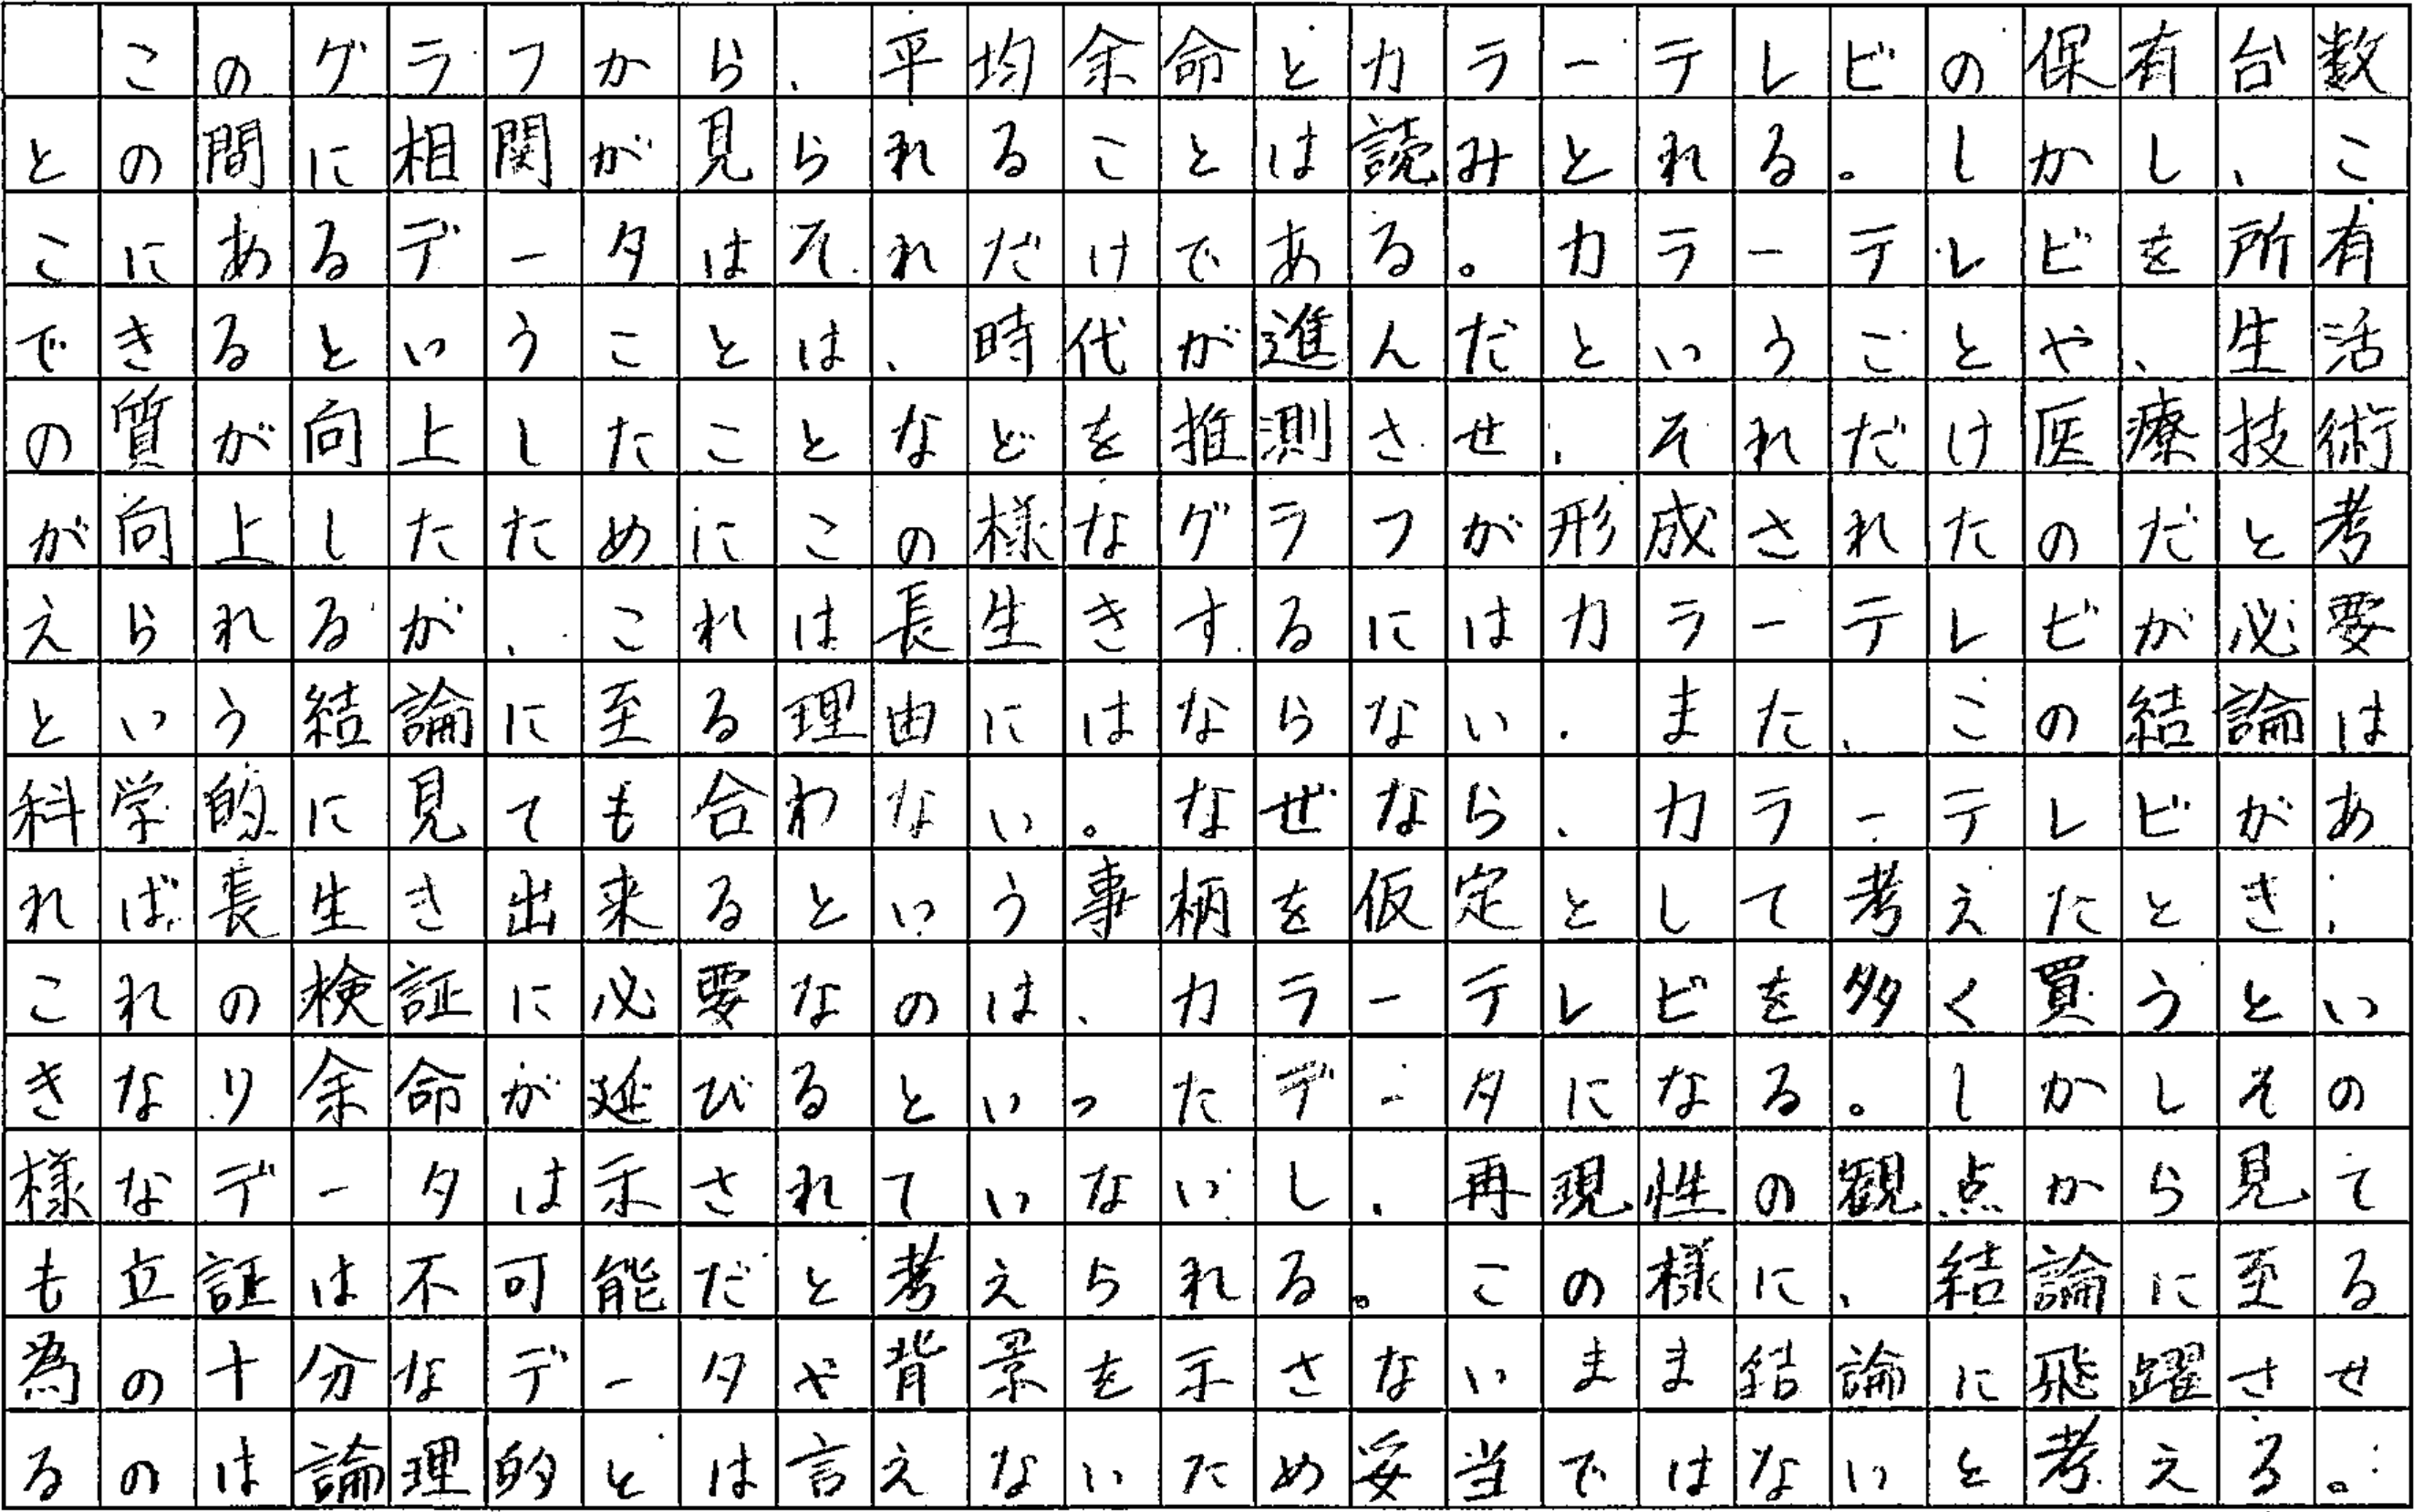　このグラフから、平均余命とカラーテレビの保有台数との間に相関が見られることは読みとれる。しかし、ここにあるデータはそれだけである。カラーテレビを所有できるということは、時代が進んだということや、生活の質が向上したことなどを推測させ、それだけ医療技術が向上したためにこの様なグラフが形成されたのだと考えられるが、これは長生きするにはカラーテレビが必要という結論に至る理由にはならない。また、この結論は科学的に見ても合わない。なぜなら、カラーテレビがあれば長生き出来るという事柄を仮定として考えたとき、これの検証に必要なのは、カラーテレビを多く買うといきなり余命が延びるといったデータになる。しかしその様なデータは示されていないし、再現性の観点から見ても立証は不可能だと考えられる。この様に、結論に至る為の十分なデータや背景を示さないまま結論に飛躍させるのは論理的とは言えないため妥当ではないと考える。
